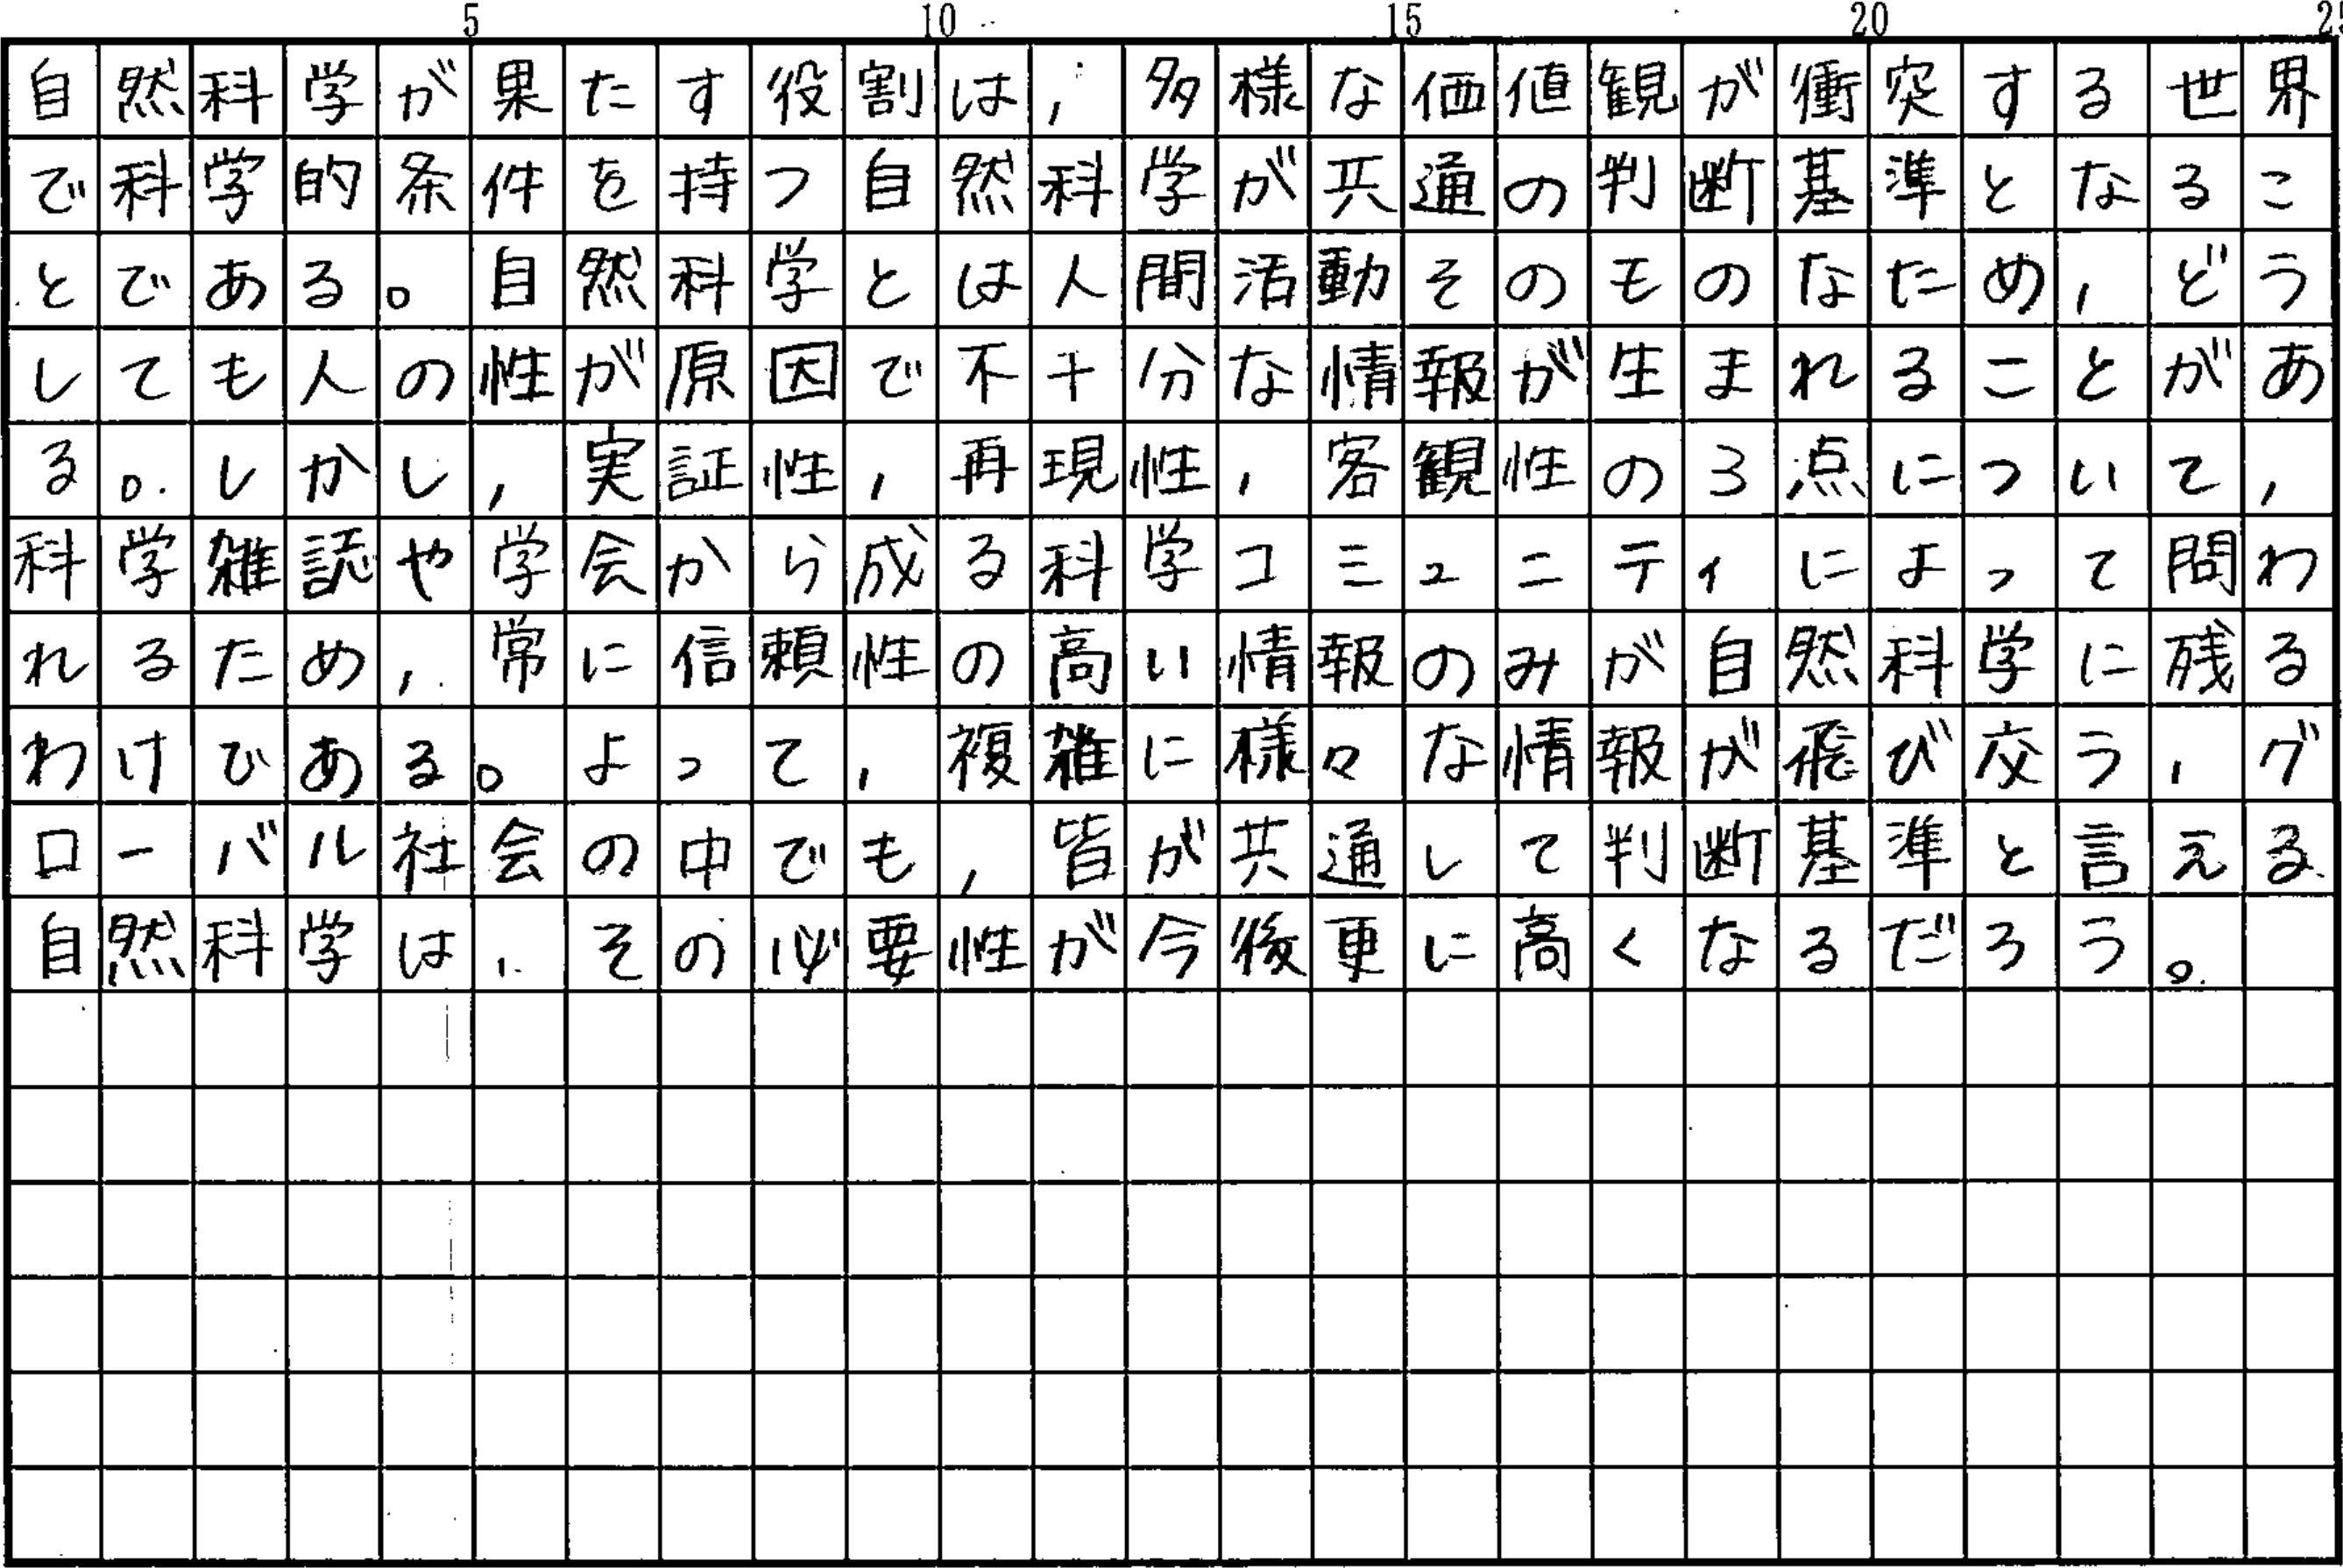自然科学が果たす役割は、多様な価値観が衝突する世界で科学的条件を持つ自然科学が共通の判断基準となることである。自然科学とは人間活動そのものなため、どうしても人の性が原因で不十分な情報が生まれることがある。しかし、実証性、再現性、客観性の３点について、科学雑誌や学会から成る科学コミュニティによって問われるため、常に信頼性の高い情報のみが自然科学に残るわけである。よって、複雑に様々な情報が飛び交う、グローバル社会の中でも、皆が共通して判断基準と言える自然科学は、その必要性が今後更に高くなるだろう。
